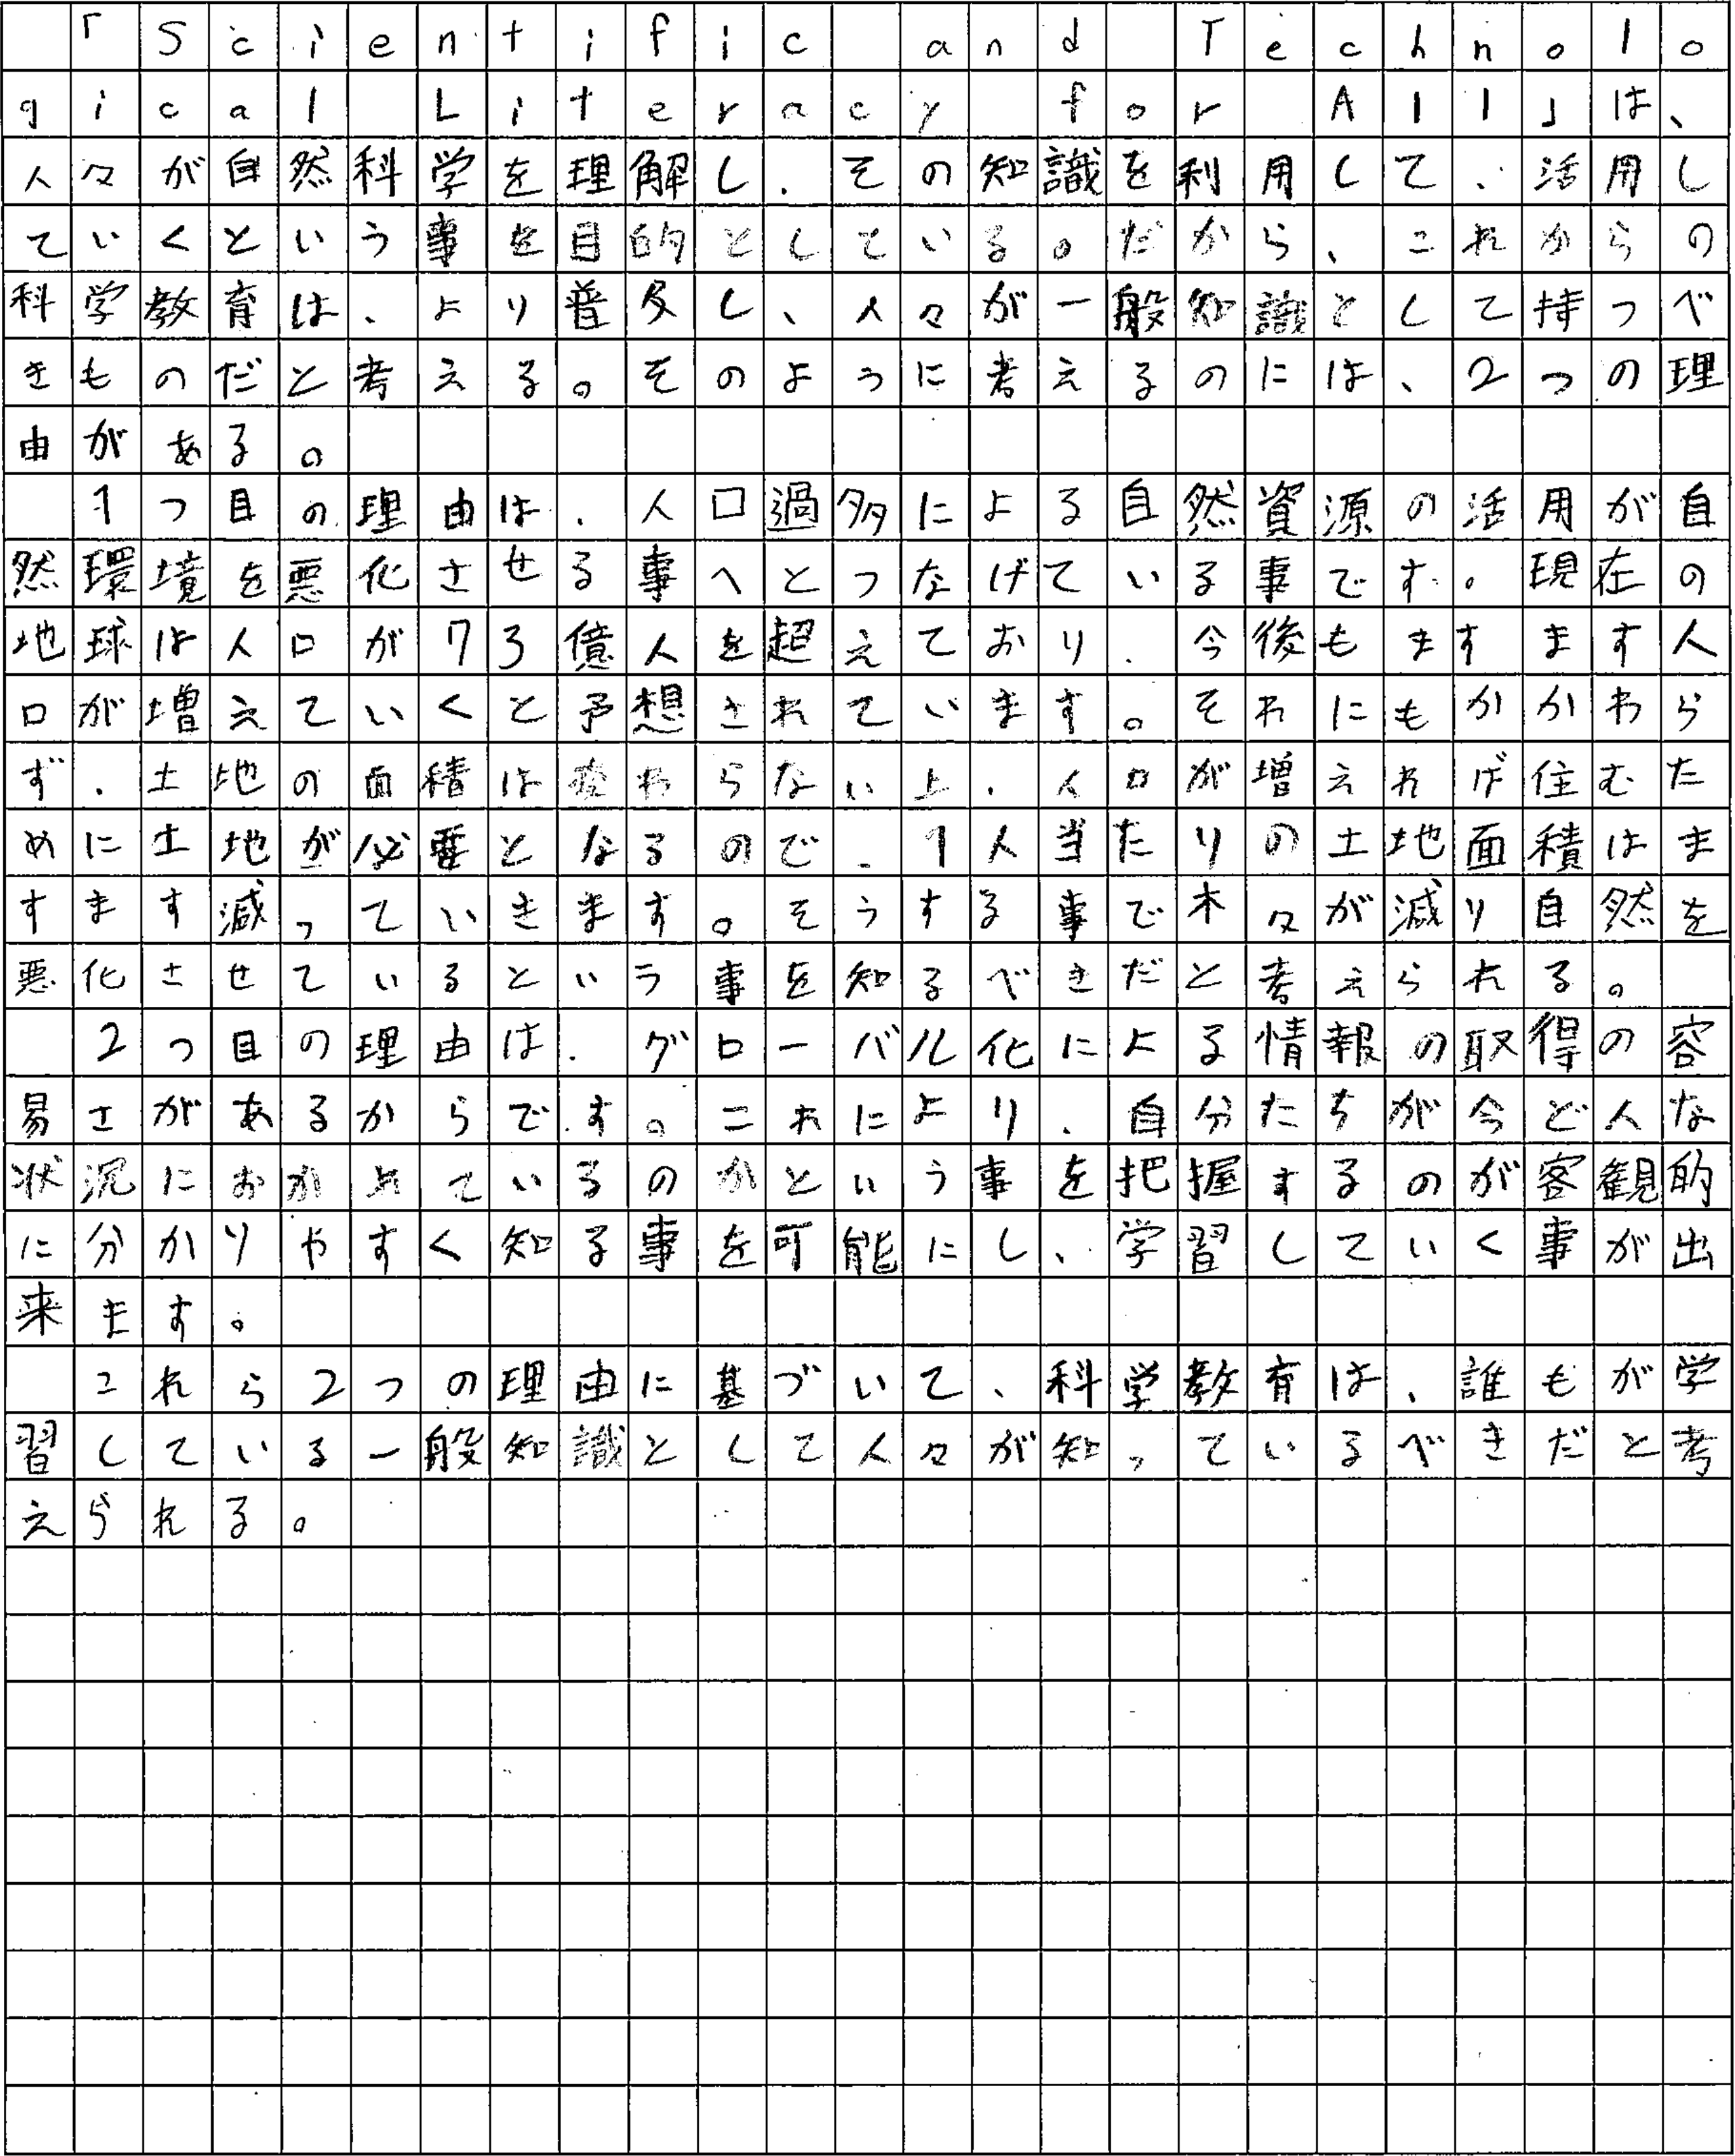　「Ｓｃｉｅｎｔｉｆｉｃ　ａｎｄ　Ｔｅｃｈｎｏｌｏｇｉｃａｌ　Ｌｉｔｅｒａｃｙ　ｆｏｒ　Ａｌｌ」は、人々が自然科学を理解し、その知識を利用して、活用していくという事を目的としている。だから、これからの科学教育は、より普及し、人々が一般知識として持つべきものだと考える。そのように考えるのには、２つの理由がある。
　１つ目の理由は、人口過多による自然資源の活用が自然環境を悪化させる事へとつなげている事です。現在の地球は人口が７３億人を超えており、今後もますます人口が増えていくと予想されています。それにもかかわらず、土地の面▁は変わらない上、人口が増えれば住むために土地が必要となるので、１人当たりの土地面積はますます減っていきます。そうする事で木々が減り自然を悪化させているという事を知るべきだと考えられる。
　２つ目の理由は、グローバル化による情報の取得の容易さがあるからです。これにより、自分たちが今どんな状況におかれているのかという事を把握するのが客観的に分かりやすく知る事を可能にし、学習していく事が出来ます。
　これら２つの理由に基づいて、科学教育は、誰もが学習している一般知識として人々が知っているべきだと考えられる。
